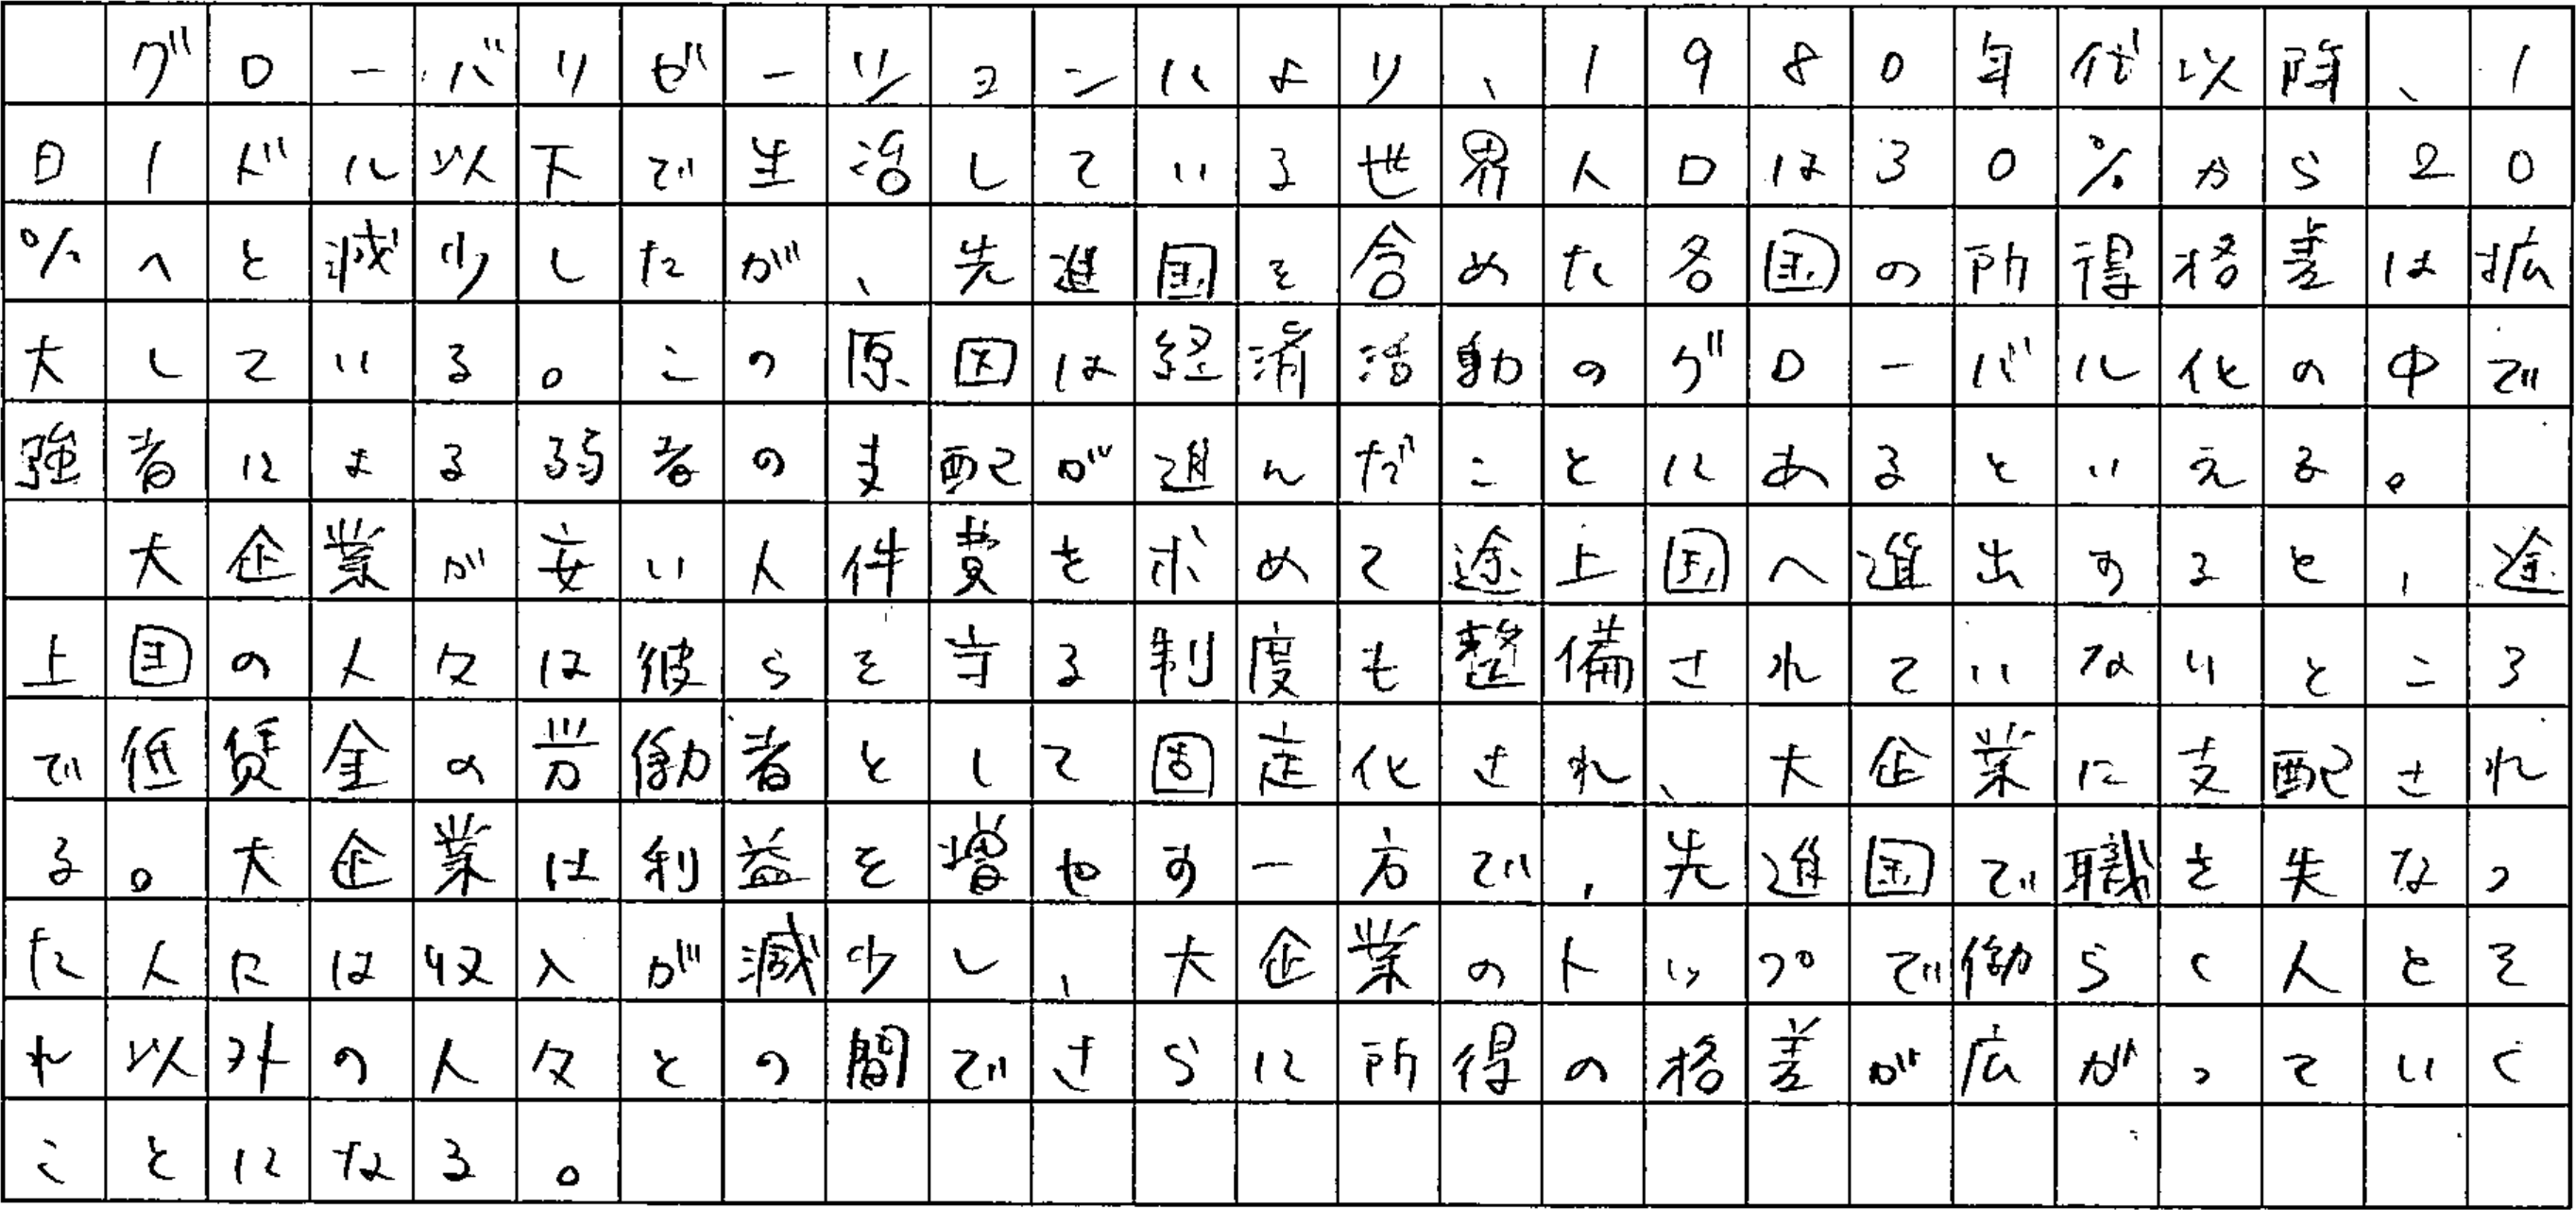　グローバリゼーションにより、１９８０年代以降、１日１ドル以下で生活している世界人口は３０％から２０％へと減少したが、先進国を含めた各国の所得格差は拡大している。この原因は経済活動のグローバル化の中で強者による弱者の支配が進んだことにあるといえる。
　大企業が▁い人件費を▁めて途上国へ進出すると、途上国の人々は彼らを▁る制度も整備されていないところで低賃金の▁働者として固▁化され、大企業に支配される。大企業は利益を増やす一方で、先進国で職を失なった人々は収入が減少し、大企業のトップで働らく人とそれ以外の人々との間でさらに所得の格差が広がっていくことになる。
